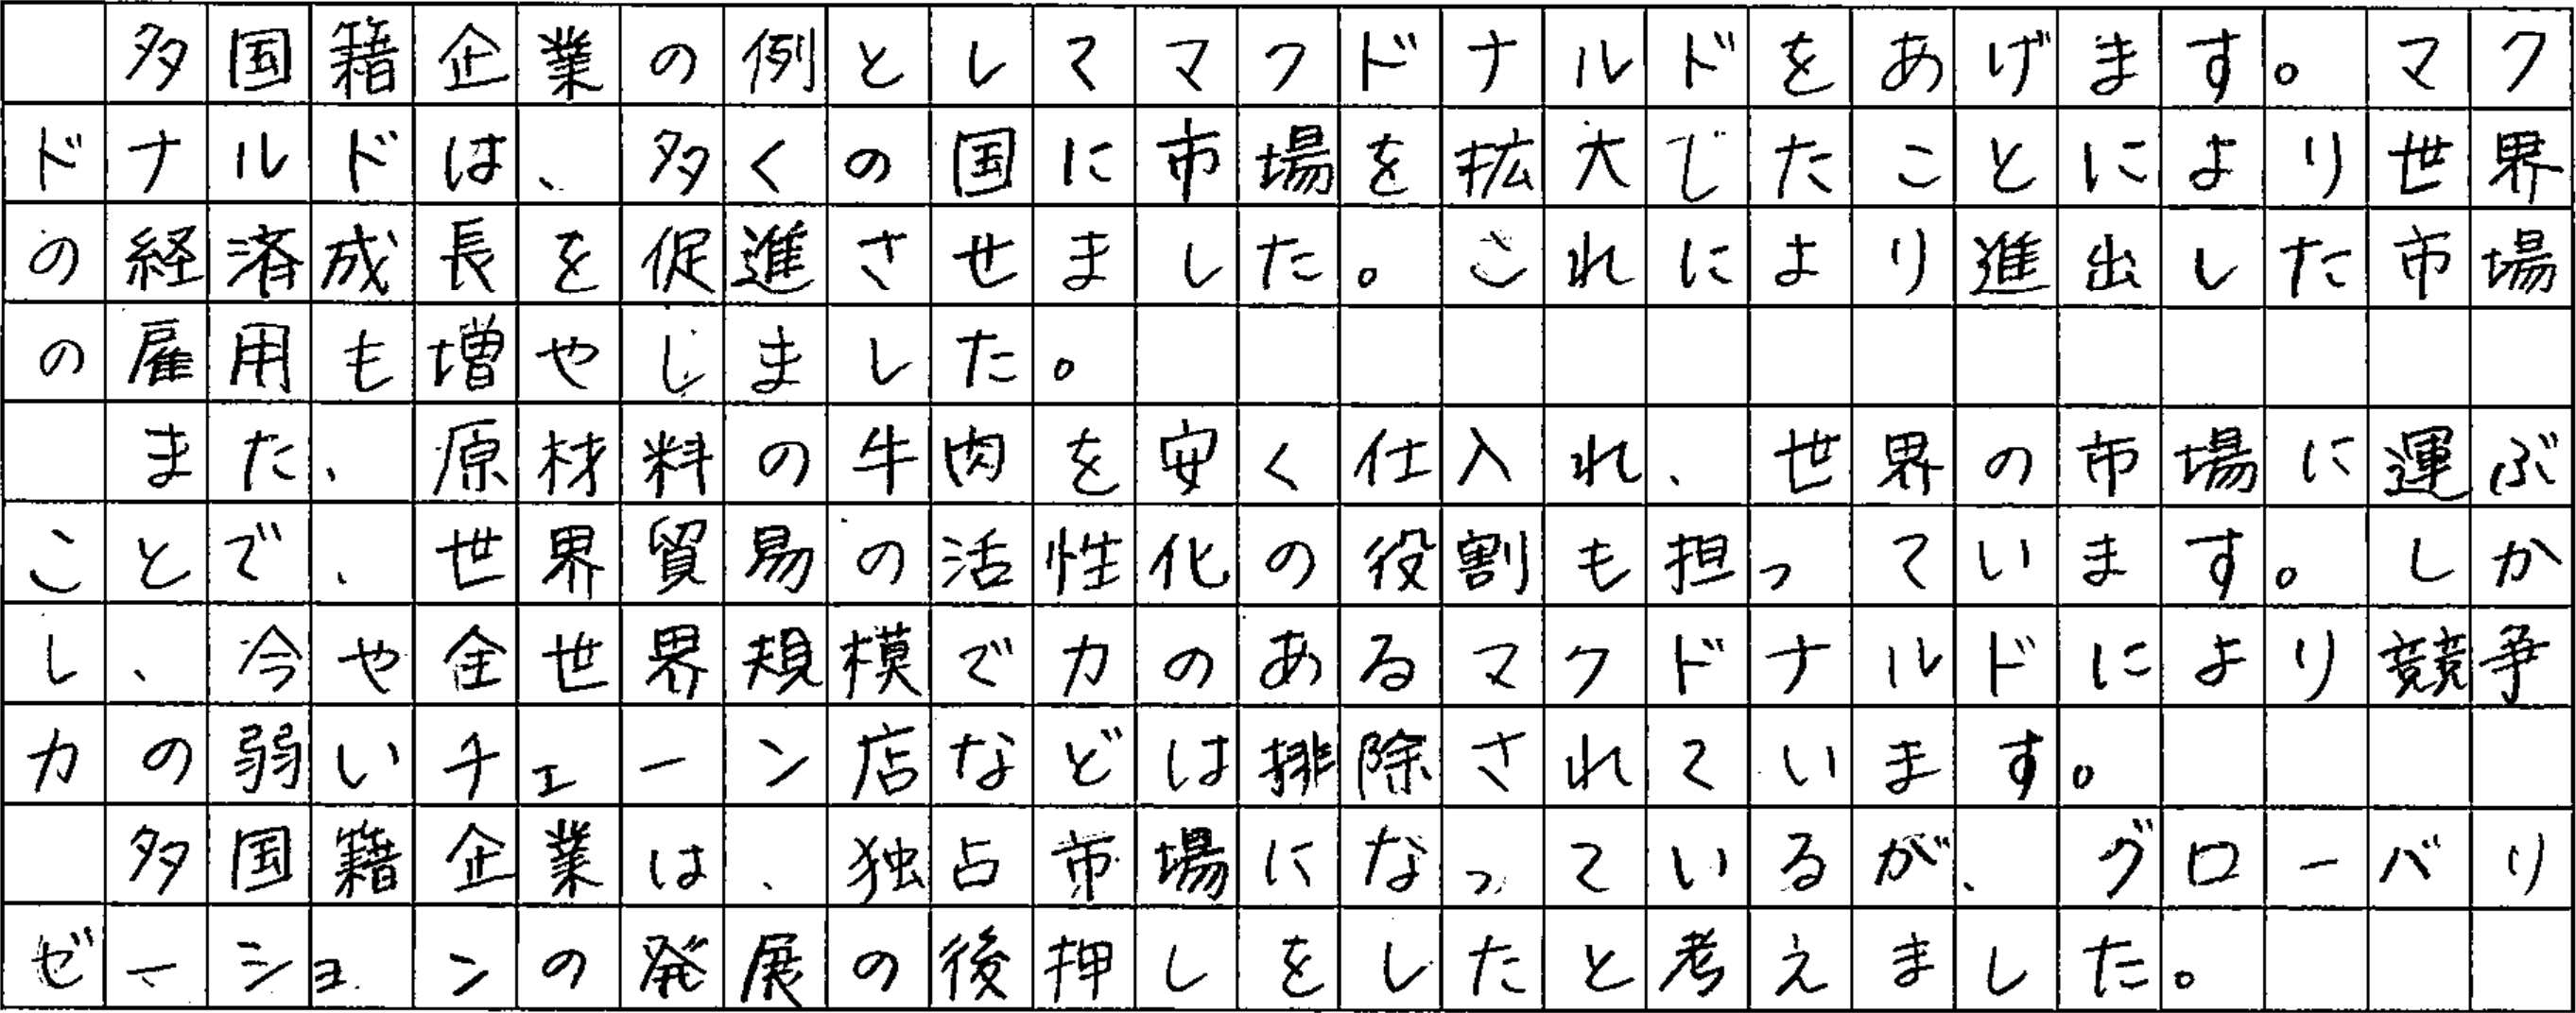　多国籍企業の例としてマクドナルドをあげます。マクドナルドは、多くの国に市場を拡大したことにより世界の経済成長を促進させました。これにより進出した市場の雇用も増やしました。
　また、原材料の牛肉を安く仕入れ、世界の市場に運ぶことで、世界貿易の活性化の役割も担っています。しかし、今や全世界規模で力のあるマクドナルドにより競争力の弱いチェーン店などは排除されています。
　多国籍企業は、独占市場になっているが、グローバリゼーションの発展の後押しをしたと考えました。
